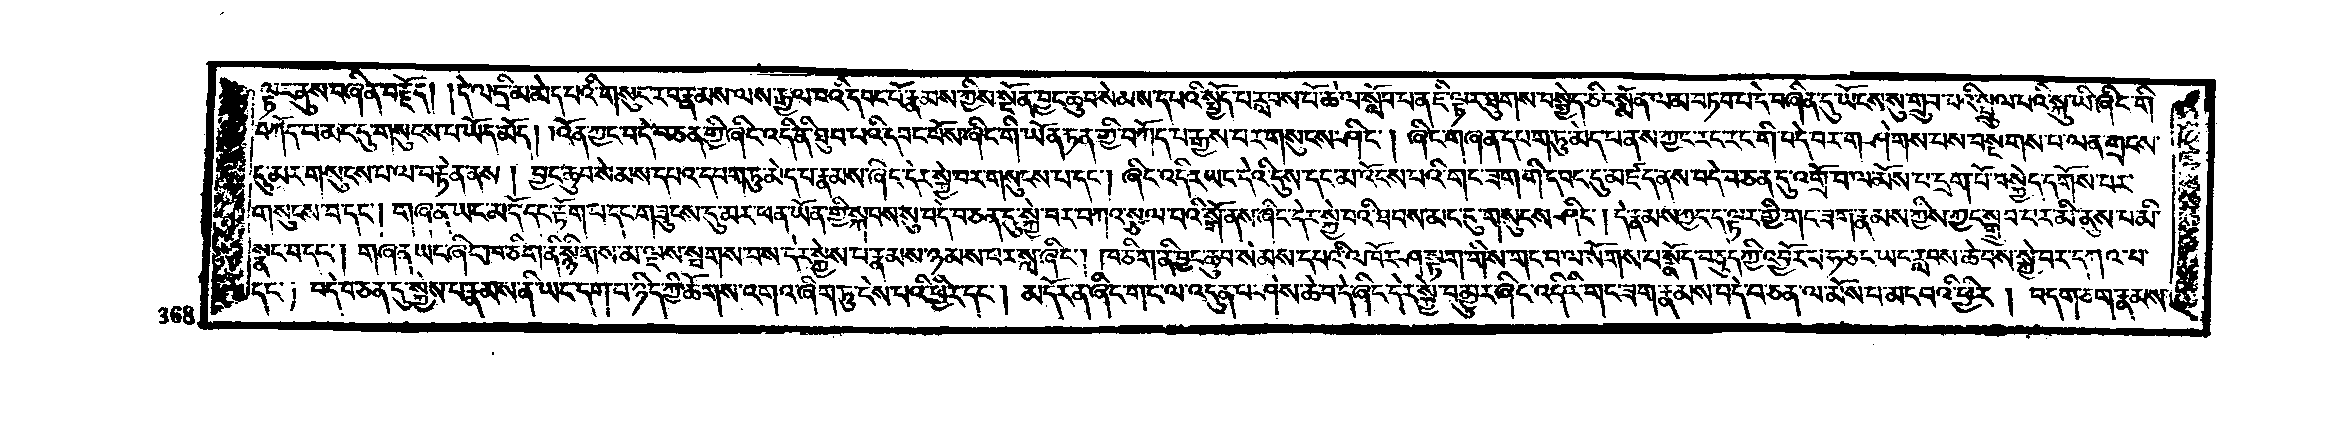ལྟར་ནུས་བཞིན་བརྗོད། །དེ་ལ་དྲི་མ་མེད་པའི་གསུང་རབ་རྣམས་ལས་རྒྱལ་བའི་དབང་པོ་རྣམས་ཀྱིས་སྔོན་བྱང་ཆུབ་སེམས་དཔའི་སྤྱོད་པ་རླབས་པོ་ཆེ་ལ་སློབ་པ་ན་ཇི་ལྟར་ཐུགས་བསྐྱེད་ཅིང་སྨོན་ལམ་བཏབ་པ་དེ་བཞིན་དུ་ཡོངས་སུ་གྲུབ་པའི་སྤྲུལ་པའི་སྐུ་ཡི་ཞིང་གི་
བཀོད་པ་མང་དུ་གསུངས་པ་ཡོད་མོད། །འོན་ཀྱང་བདེ་བ་ཅན་གྱི་ཞིང་འདི་ནི་ཐུབ་པའི་དབང་པོས་ཞིང་གི་ཡོན་ཏན་གྱི་བཀོད་པ་རྒྱས་པར་གསུངས་ཤིང་། ཞིང་གཞན་དཔག་ཏུ་མེད་པ་ནས་ཀྱང་རང་རང་གི་བདེ་བར་གཤེགས་པས་བསྔགས་པ་ལན་གྲངས་
དུ་མར་གསུངས་པ་ལ་བརྟེན་ནས། བྱང་ཆུབ་སེམས་དཔའ་དཔག་ཏུ་མེད་པ་རྣམས་ཞིང་དེར་སྐྱེ་བར་གསུངས་པ་དང་། ཞིང་འདིར་ཡང་དེའི་དུས་དང་མ་འོངས་པའི་གང་ཟག་གི་དབང་དུ་མཛད་ནས་བདེ་བ་ཅན་དུ་འགྲོ་བ་ལ་མོས་པ་དྲག་པོ་བསྐྱེད་དགོས་པར་
གསུངས་པ་དང་། གཞན་ཡང་མདོ་དང་རྟོག་པ་དང་གཟུངས་དུ་མར་ཕན་ཡོན་གྱི་སྐབས་སུ་བདེ་བ་ཅན་དུ་སྐྱེ་བར་བཀའ་སྩལ་བའི་སྒོ་ནས་ཞིང་དེར་སྐྱེ་བའི་ཐབས་མང་དུ་གསུངས་ཤིང་། དེ་རྣམས་ཀྱང་ད་ལྟར་གྱི་གང་ཟག་རྣམས་ཀྱིས་ཀྱང་སྒྲུབ་པར་མི་ནུས་པ་མི་
སྣང་བ་དང་། གཞན་ཡང་ཞིང་ཁ་ཅིག་ནི་སྙིགས་མ་ལྔས་སྦགས་པས་དེར་སྐྱེས་པ་རྣམས་ཉམས་པར་སླ་ཞིང་། ཁ་ཅིག་ནི་བྱང་ཆུབ་སེམས་དཔའི་འཁོར་ཤ་སྟག་གིས་གང་བ་ལ་སོགས་པ་སྣོད་བཅུད་ཀྱི་འབྱོར་པ་ཧ་ཅང་ཡང་རླབས་ཆེ་བས་སྐྱེ་བར་དཀའ་པ་
དང༑ བདེ་བ་ཅན་དུ་སྐྱེས་པ་རྣམས་ནི་ཡང་དག་པ་ཉིད་ཀྱི་ཚོགས་འགའ་ཞིག་ཏུ་ངེས་པའི་ཕྱིར་དང་། མདོར་ན་ཞིང་གང་ལ་འདུན་པ་ཤེས་ཆེ་བ་དེ་ཞིང་དེར་སྐྱེ་བ་མྱུར་ཞིང་འདིའི་གང་ཟག་རྣམས་བདེ་བ་ཅན་ལ་མོས་པ་མང་བའི་ཕྱིར། བདག་ཅག་རྣམས་